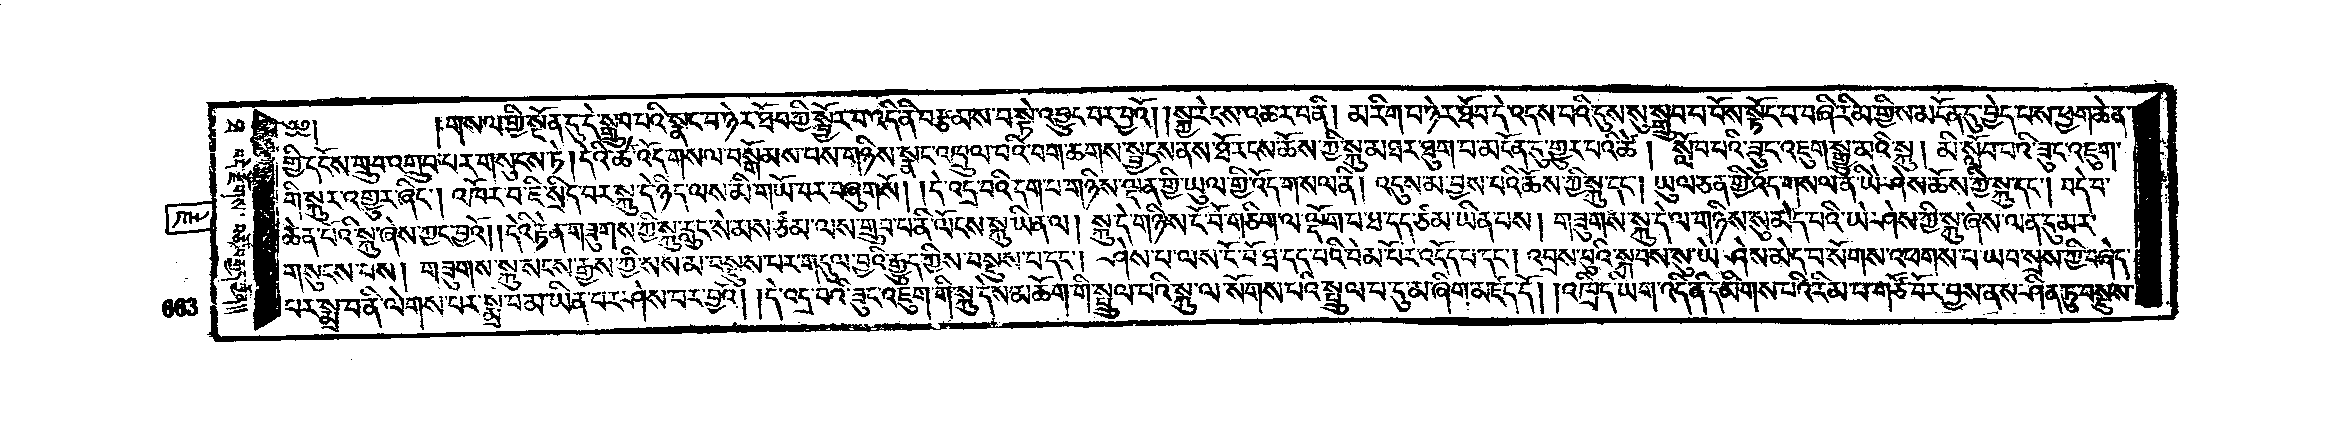༄༅། །གསལ་གྱི་སྔོན་དུ་དེ་སྒྲུབ་པའི་སྣང་བ་ཉེར་ཐོབ་ཀྱི་སྦྱོར་བ་འདི་ནི་བརྩམས་པ་སྟེ་འབྱུང་བར་བྱའོ། །སྐྱ་རེངས་འཆར་བ་ནི། མ་རིག་པ་ཉེར་ཐོབ་དེ་འདས་པའི་དུས་སུ་སྒྲུབ་པ་པོས་སྟོང་པ་བཞི་རིམ་གྱིས་མངོན་དུ་བྱེད་པས་ཕྱག་ཆེན་
གྱི་དངོས་གྲུབ་འགྲུབ་པར་གསུངས་ཏེ། དེའི་ཚེ་འོད་གསལ་བསྒོམས་པས་གཉིས་སྣང་འཁྲུལ་པའི་བག་ཆགས་སྦྱངས་ནས་ཐོ་རངས་ཆོས་ཀྱི་སྐུ་མཐར་ཐུག་པ་མངོན་དུ་གྱུར་པའི་ཚེ། སློབ་པའི་ཟུང་འཇུག་སྒྱུ་མའི་སྐུ། མི་སློབ་པའི་ཟུང་འཇུག་
གི་སྐུར་འགྱུར་ཞིང་། འཁོར་བ་ཇི་སྲིད་པར་སྐུ་དེ་ཉིད་ལས་མི་གཡོ་བར་བཞུགས་སོ། །དེ་འདྲ་བའི་དག་པ་གཉིས་ལྡན་གྱི་ཡུལ་གྱི་འོད་གསལ་ནི། འདུས་མ་བྱས་པའི་ཆོས་ཀྱི་སྐུ་དང་། ཡུལ་ཅན་གྱི་འོད་གསལ་ནི་ཡེ་ཤེས་ཆོས་ཀྱི་སྐུ་དང་། བདེ་བ་
ཆེན་པོའི་སྐུ་ཞེས་ཀྱང་བྱའོ། །དེའི་རྟེན་གཟུགས་ཀྱི་སྐུ་རླུང་སེམས་ཙམ་ལས་གྲུབ་པ་ནི་ལོངས་སྐུ་ཡིན་ལ། སྐུ་དེ་གཉིས་ངོ་བོ་གཅིག་ལ་ལྡོག་པ་ཐ་དད་ཙམ་ཡིན་པས། གཟུགས་སྐུ་དེ་ལ་གཉིས་སུ་མེད་པའི་ཡེ་ཤེས་ཀྱི་སྐུ་ཞེས་ལན་དུ་མར་
གསུངས་པས། གཟུགས་སྐུ་སངས་རྒྱས་ཀྱི་སས་མ་བསྡུས་པར་གདུལ་བྱའི་རྒྱུད་ཀྱིས་བསྡུས་པ་དང་། ཤེས་པ་ལས་ངོ་བོ་ཐ་དད་པའི་བེམ་པོར་འདོད་པ་དང་། འབྲས་བུའི་སྐབས་སུ་ཡེ་ཤེས་མེད་པ་སོགས་འཕགས་པ་ཡབ་སྲས་ཀྱི་བཞེད་
པར་སྨྲ་བ་ནི་ལེགས་པར་སྨྲ་བ་མ་ཡིན་པར་ཤེས་པར་བྱའོ། །དེ་འདྲ་བའི་ཟུང་འཇུག་གི་སྐུ་དེས་མཆོག་གི་སྤྲུལ་པའི་སྐུ་ལ་སོགས་པའི་སྤྲུལ་པ་དུ་མ་ཞིག་མཛད་དོ། །འཁྲིད་ཡིག་འདི་ནི་དམིགས་པའི་རིམ་པ་གཙོ་བོར་བྱས་ནས་ཤིན་ཏུ་བསྡུས་